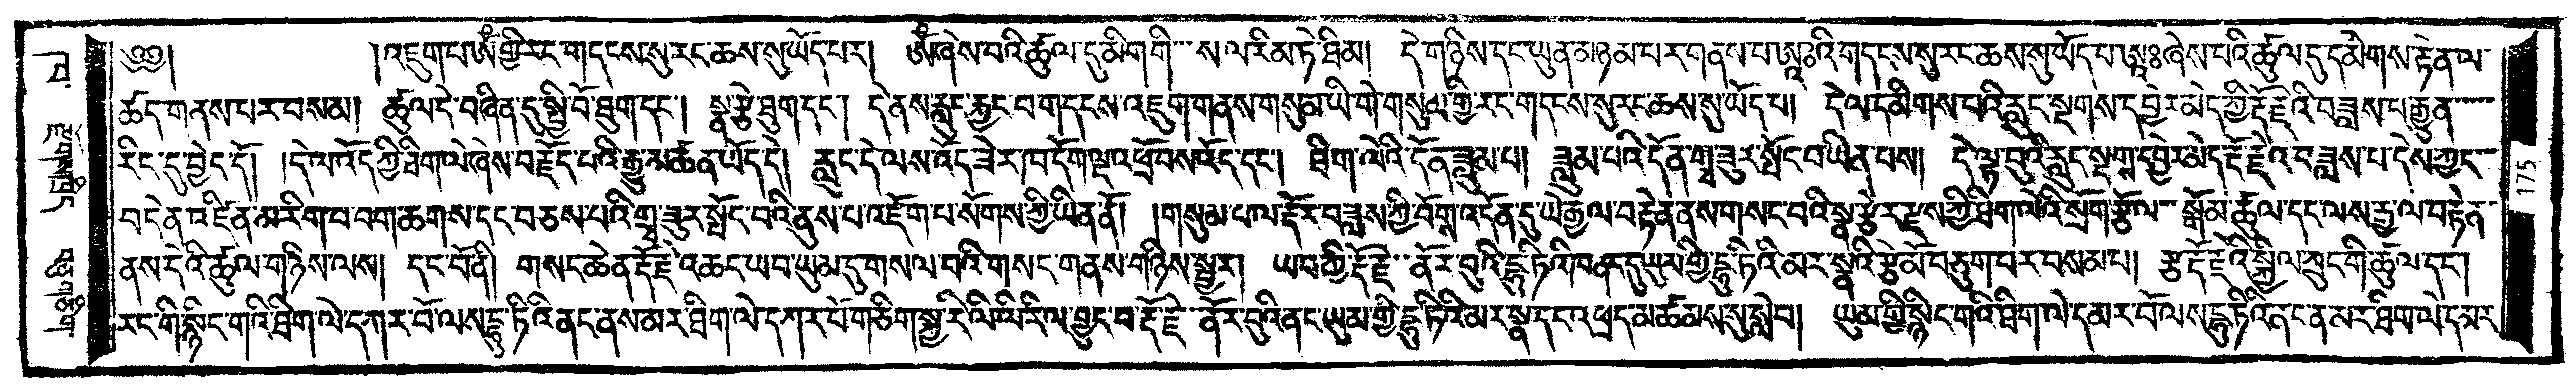༄༅། །འཇུག་པ་ཨོཾ་གྱི་རང་གདངས་སུ་རང་ཆས་སུ་ཡོད་པར། ཨོཾ་ཞེས་པའི་ཚུལ་དུ་མིག་གི་སལ་རིམ་ཏེ་ཐིམ། དེ་གཉིས་དང་ཡུན་མཉམ་པར་གནས་པ་ཨཱཿའི་གདངས་སུ་རང་ཆས་སུ་ཡོད་པ་ཨཱཿཞེས་པའི་ཚུལ་དུ་དམིགས་རྟེན་ལ་
ཚད་གནས་པར་བསམ། ཚུལ་དེ་བཞིན་དུ་སྤྱི་བོ་ཐུག་དང་། སྣ་རྩེ་ཐུག་དང་། དེ་ནས་རླུང་རྐྱང་བ་གདངས་འཇུག་གནས་གསུམ་ཡི་གེ་གསུམ་གྱི་རང་གདངས་སུ་རང་ཆས་སུ་ཡོད་པ། དེ་ལ་དམིགས་པའི་རླུང་སྔགས་དབྱེར་མེད་ཀྱི་རྡོ་རྗེའི་བཟླས་པ་རྒྱུན་
རིང་དུ་བྱེད་དོ། །དེ་ལ་འོད་ཀྱི་ཐིག་ལེ་ཞེས་བརྗོད་པའི་རྒྱུ་མཚན་ཡོད་དེ། རླུང་དེ་ལས་འོད་ཟེར་ཁ་དོག་ལྔ་འཕྲོ་བས་འོད་དང་། ཐིག་ལེའི་དོན་ཟླུམ་པ། ཟླུམ་པའི་དོན་གྲྭ་ཟུར་སྤོང་བ་ཡིན་པས། དེ་ལྟ་བུའི་རླུང་སྔགས་དབྱེར་མེད་རྡོ་རྗེའི་བཟླས་པ་དེས་ཀྱང་
བདེན་འཛིན་མ་རིག་པ་བག་ཆགས་དང་བཅས་པའི་གྲྭ་ཟུར་སྤོང་བའི་ནུས་པ་འཇོག་པ་སོགས་ཀྱི་ཡིན་ནོ། །གསུམ་པ་ལ་རྡོར་བཟླས་ཀྱི་བོགས་འདོན་དུ་ཡེ་རྒྱལ་བརྟེན་ནས་གསང་བའི་སྣ་རྩེར་རྫས་ཀྱི་ཐིག་ལེའི་སྲོག་རྩོལ་སྒོམ་ཚུལ་དང་ལས་རྒྱལ་བརྟེན་
ནས་དེའི་ཚུལ་གཉིས་ལས། དང་པོ་ནི། གསང་ཆེན་རྡོ་རྗེ་འཆང་ཡབ་ཡུམ་དུ་གསལ་བའི་གསང་གནས་གཉིས་སྦྱར། ཡབ་ཀྱི་རྡོ་རྗེ་ནོར་བའི་དྷུ་ཏིའི་ཁ་ནང་དུ་ཡུམ་གྱི་དྷུ་ཏིའི་མར་སྣའི་རྩེ་མོ་བཅུག་པར་བསམ་པ། རྩ་རྡོ་རྗེའི་སྐྱིལ་ཀྲུང་གི་ཚུལ་དང་།
རང་གི་སྙིང་གའི་ཐིག་ལེ་དཀར་པོ་ལས་དྷུ་ཏིའི་ནང་ནས་མར་ཐིག་ལེ་དཀར་པོ་གཅིག་སྐྱ་རི་ལི་ལི་རིལ་བྱུང་བ་རྡོ་རྗེ་ནོར་བུའི་ནང་ཡུམ་གྱི་དྷུ་ཏིའི་མར་སྣ་དང་འཕྲད་མཚམས་སུ་སླེབ། ཡུམ་གྱི་སྙིང་གའི་ཐིག་ལེ་དམར་པོ་ལས་དྷུ་ཏིའི་ནང་ན་མར་ཐིག་ལེ་དམར་